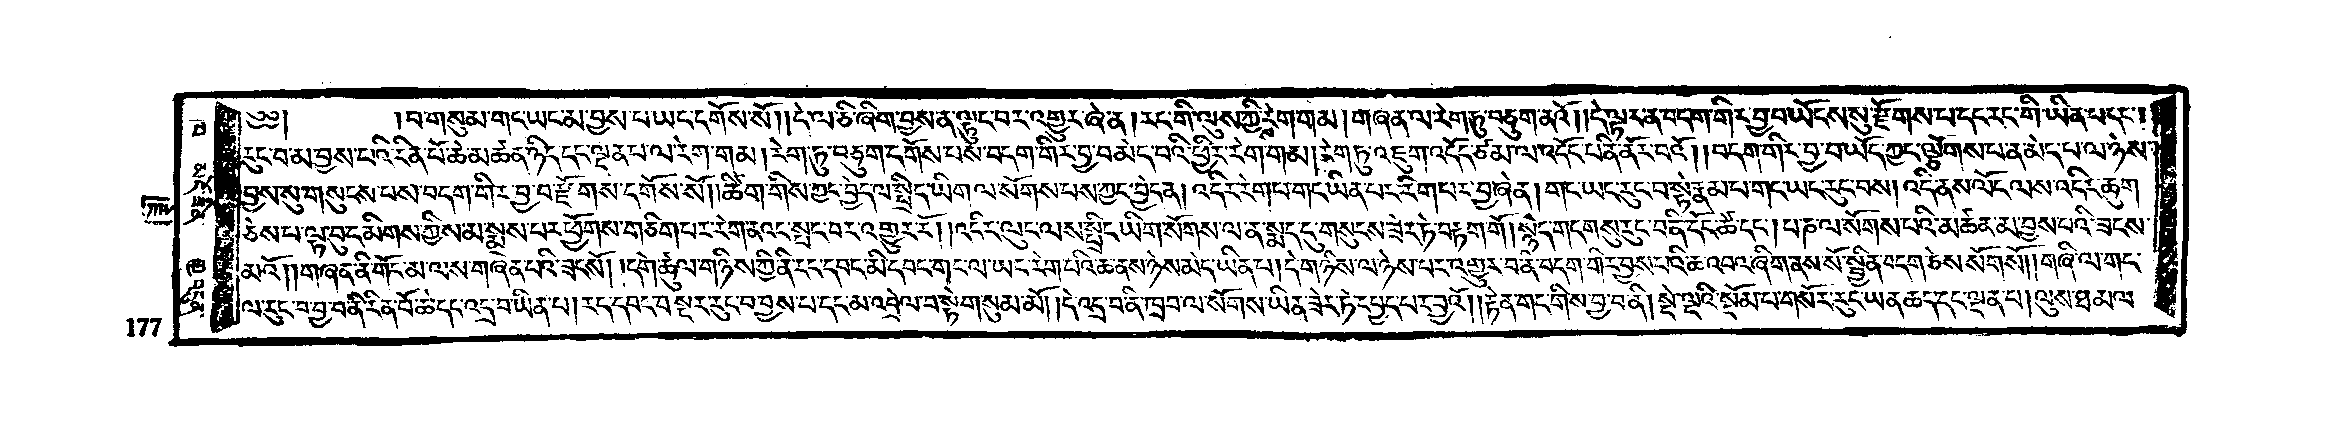༄༅། །བ་གསུམ་གང་ཡང་མ་བྱས་པ་ཡང་དགོས་སོ། །དེ་ལ་ཅི་ཞིག་བྱས་ན་ལྟུང་བར་འགྱུར་ཞེ་ན། རང་གི་ལུས་ཀྱིས་རེག་གམ། གཞན་ལ་རེག་ཏུ་བཅུག་ནའོ། །དེ་ལྟར་ན་བདག་གིར་བྱ་བ་ཡོངས་སུ་རྫོགས་པ་དང་རང་གི་ཡིན་པ་དང་།
རུང་བ་མ་བྱས་པའི་རིན་པོ་ཆེ་མཚན་ཉིད་དང་ལྡན་པ་ལ་རེག་གམ། རེག་ཏུ་བཅུག་དགོས་པས་བདག་གིར་བྱ་བ་མེད་བའི་ཕྱིར་རེག་གམ། རེག་ཏུ་འཇུག་འདོད་ཙམ་ལ་འདོད་པ་ནི་ནོར་བའོ། །བདག་གིར་བྱ་བ་ཡོད་ཀྱང་ལྕོགས་པ་ན་མེད་པ་ལ་ཉེས་
བྱས་སུ་གསུངས་པས་བདག་གིར་བྱ་བ་རྫོགས་དགོས་སོ། །ཚིག་གིས་ཀྱང་བྱེད་ལ་སྤྲིད་ཡིག་ལ་སོགས་པས་ཀྱང་བྱེད་ན། འདིར་རེག་པ་གང་ཡིན་པར་རིག་པར་བྱ་ཞེན། གང་ཡང་རུང་བ་སྟེ་རྣམ་པ་གང་ཡང་རུང་བས། འདི་ནས་ལོང་ལས་འདིར་ཆུག་
ཅེས་པ་ལྟ་བུ་དམིགས་ཀྱིས་མ་སྨྲས་པར་ཕྱོགས་གཅིག་པར་རེག་ནའང་སྤང་བར་འགྱུར་རོ། །འདིར་ལུང་ལས་སྤྲིང་ཡིག་སོགས་ལ་ཟེར་ཏེ་བརྟག་གོ །སྙེད་གདགས་སུ་རུང་བ་ནི་དོང་ཚེ་དང་། པ་ཎ་ལ་སོགས་པའི་མཚན་མ་བྱས་པའི་ཟངས་
མའོ། །གཞན་ནི་གོང་མ་ལས་གཞན་པའི་ཟངས་སོ། །དགེ་ཚུལ་གཉིས་ཀྱི་ནི་རང་དབང་མི་དབང་གང་ལ་ཡང་རེག་པའི་ཆ་ནས་ཉེས་མེད་ཡིན་པ། དེ་གཉིས་ལ་ཉེས་པར་འགྱུར་བ་ནི་བདག་གིར་བྱས་པའི་ཆ་འབའ་ཞིག་ནས་སོ་སྦྱིན་བདག་ཅེས་སོགས་སོ། །གཞི་ལ་གང་
ལ་རུང་བ་བྱ་བ་ནི་རིན་པོ་ཆེ་དང་འདྲ་བ་ཡིན་པ། རད་དབང་བ་སྔར་རུང་བ་བྱས་པ་དང་མ་འབྲེལ་བ་སྟེ་གསུམ་མོ། །དེ་འདྲ་བ་ནི་ཁྲབ་ལ་སོགས་ཡིན་ཟེར་ཏེ་དཔྱད་པར་བྱའོ། །རྟེན་གང་གིས་བྱ་བ་ནི། སྡེ་ལྔའི་སྡོམ་པ་གསོར་རུང་ཡན་ཆད་དང་ལྡན་པ། ལུས་ཐ་མལ་